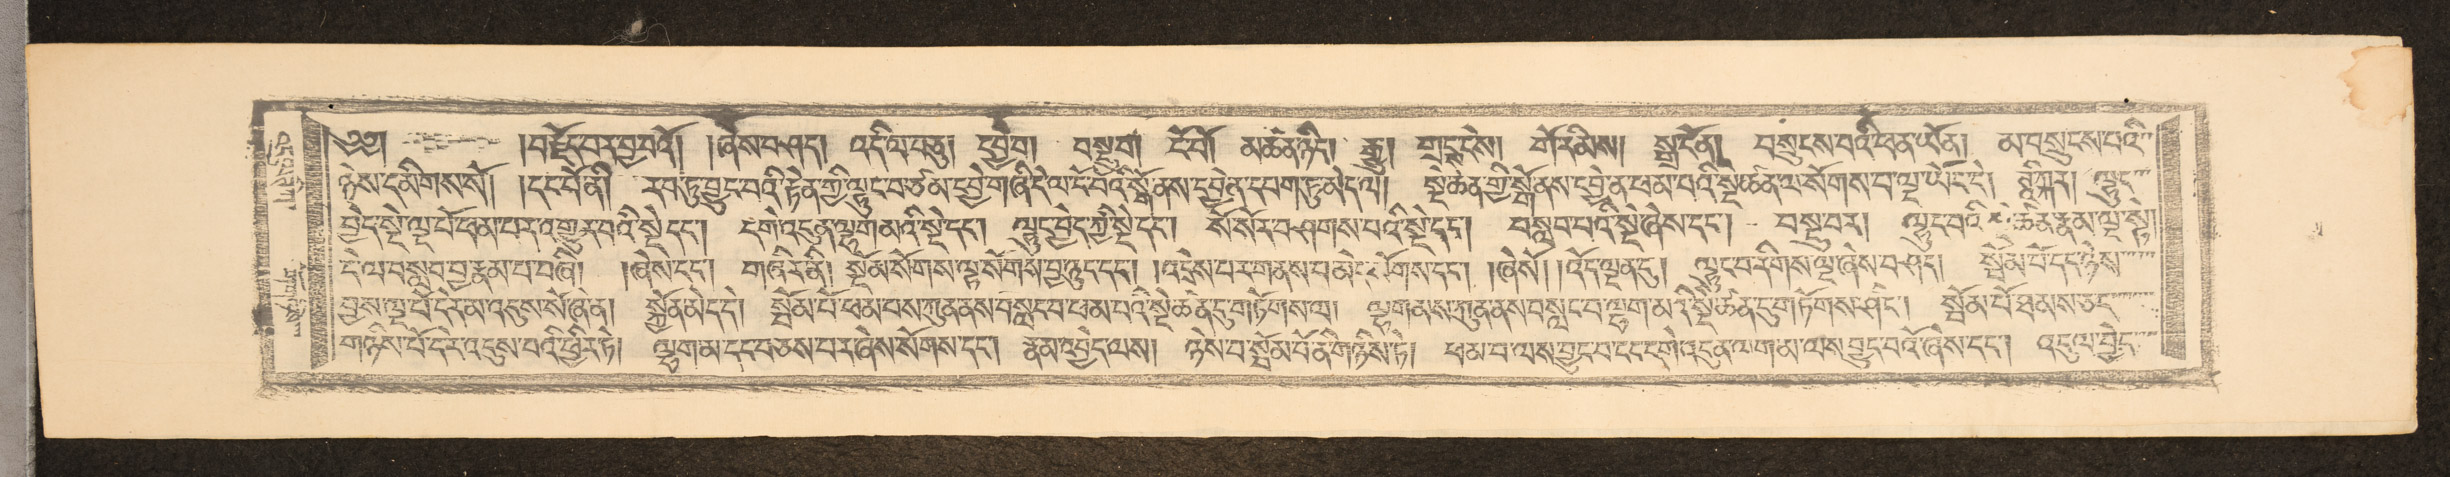༄༅། །བརྗོད་པར་བྱ་བའོ། །ཞེས་བཤད། འདི་ལ་བཅུ། དབྱེ་བ། བསྡུ་བ། ངོ་བོ། མཚན་ཉིད། རྒྱུ། གྲངས་ངེས། གོ་རིམས། སྒྲ་དོན། བསྲུངས་བའི་ཕན་ཡོན། མ་བསྲུངས་པའི་
ཉེས་དམིགས་སོ། །དང་པོ་ནི། རབ་ཏུ་བྱུང་བའི་རྟེན་གྱི་ལྟུང་བ་ཙམ་དབྱེ་གཞི་དེ་ལ་ངོ་བོའི་སྒོ་ནས་དབྱེ་ན་དཔག་ཏུ་མེད་ལ། སྡེ་ཚན་གྱི་སྒོ་ནས་དབྱེ་ན་ཕམ་པའི་སྡེ་ཚན་ལ་སོགས་པ་ལྔ་ཡོད་དེ། ཊཱིཀྐར། ལྟུང་
བྱེད་སྡེ་ལྔ་པོ་ཕམ་པར་འགྱུར་པའི་སྡེ་དང་། དགེ་འདུན་ལྷག་མའི་སྡེ་དང་། ལྟུང་བྱེད་ཀྱི་སྡེ་དང་། སོ་སོར་བཤགས་པའི་སྡེ་དང་། བསླབ་པའི་སྡེ་ཞེས་དང་། བསྡུ་བར། ལྟུང་བའི་སྡེ་ཚན་རྣམ་ལྔ་སྟེ།
དེ་ལ་བསླབ་བྱ་རྣམ་པ་བཞི། །ཞེས་དང་། གཞིར་ནི། སྡོམ་སོགས་ལྟ་སོགས་བྱ་ཉུང་དང་། །འདྲེས་པར་གནས་པ་མེད་སོགས་དང་། །ཞེསོ། །འོད་ལྡན་དུ། ལྟུང་བ་རིགས་ལྔ་ཞེས་བཤད། སྦོམ་པོ་དང་ཉེས་
བྱས་ལྔ་པོ་དེར་མ་འདུས་སོ་ཞེན། སྐྱོན་མེད་དེ། སྦོམ་པོ་ཕམ་པས་ཀུན་ནས་བསླད་བ་ཕམ་པའི་སྡེ་ཚན་དུ་གཏོགས་ལ། ལྷག་མས་ཀུན་ནས་བསླང་བ་ལྷག་མའི་སྡེ་ཚན་དུ་གཏོགས་ཤིང་། སྦོམ་པོ་ཐམས་ཅད་
གཉིས་པོ་དེར་འདུས་པའི་ཕྱིར་ཏེ། ལྷག་མ་དང་བཅས་པར་ཞེས་སོགས་དང་། རྣམ་འབྱེད་ལས། ཉེས་པ་སྦོམ་པོ་ནི་གཉིས་ཏེ། ཕམ་པ་ལས་བྱུང་བ་དང་དགེ་འདུན་ལྷག་མ་ལས་བྱུང་བའོ་ཞེས་དང་། འདུལ་བྱེད་